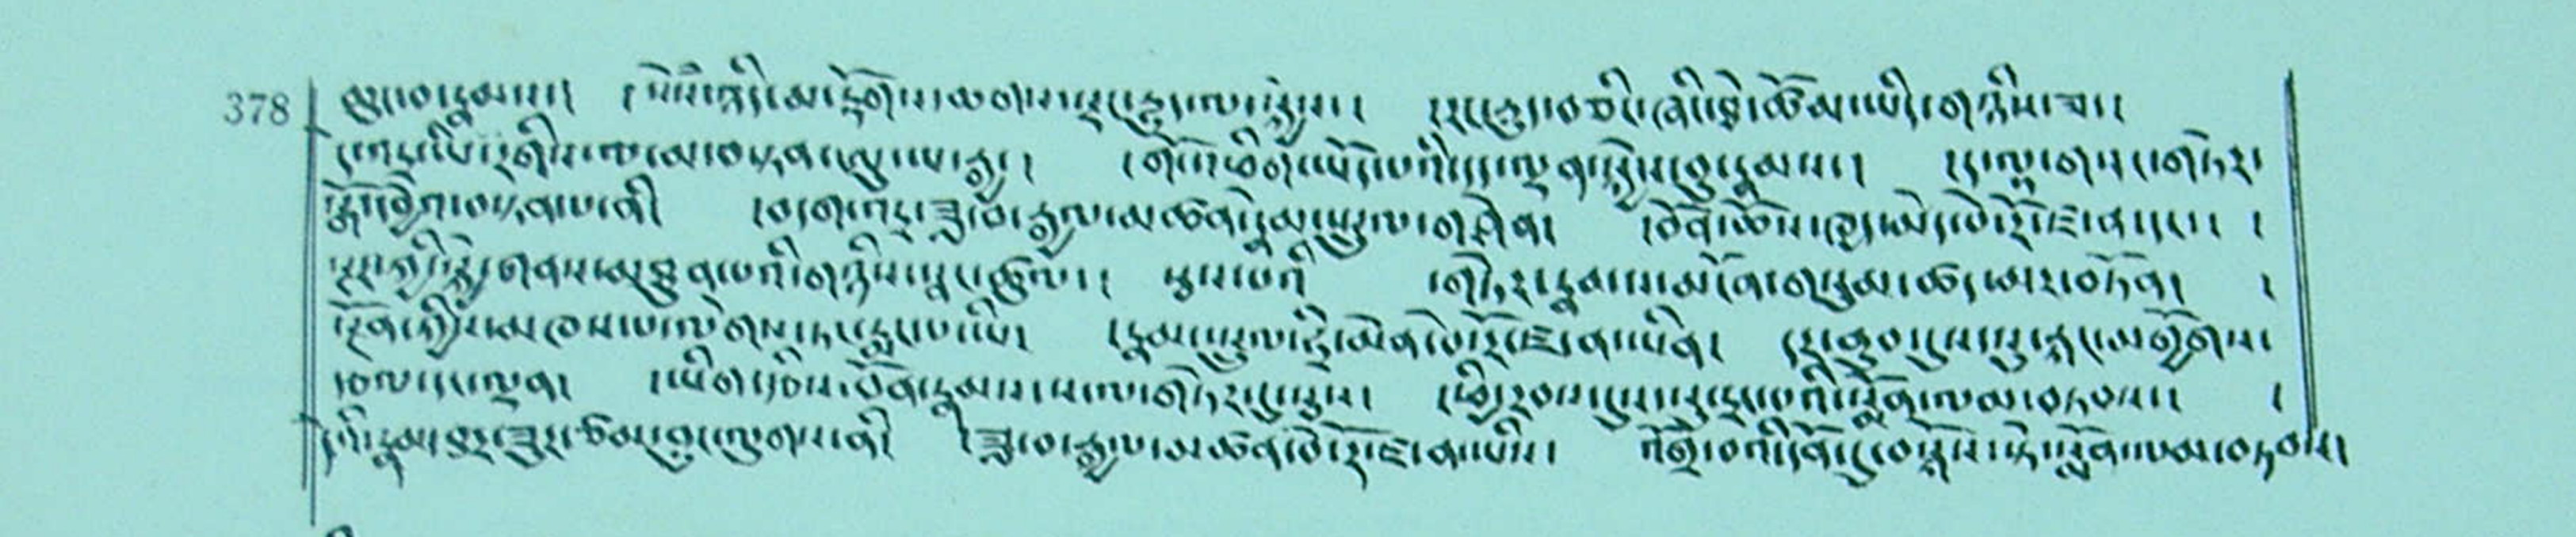ཆུང་བ་རྣམས། སེམས་ཉིད་མ་རྟོགས་ཆགས་སྡང་རྒྱུད་ལ་སྐྱེས། རང་རྒྱུད་བཅིངས་ཞིང་ཐེ་ཚོམ་ཡིད་གཉིས་ཟ། 
དེ་འདྲ་ཡི་རིགས་ལ་མ་བསྟན་ཨུ་ཡ་རྒྱ། གོ་འཕིག་ཡོད་པའི་དད་ལྡན་སྐྱེས་བུ་རྣམས། ད་ལྟ་གསང་གཏེར་
སྒོ་དབྱེའ་བསྟན་པ་ནི། བདག་འདྲ་ཟླ་བ་རྒྱལ་མཚན་རྣམ་སྤྲུལ་གཤེན། བོན་ཆོས་ཁྱད་མེད་བེ་རོ་ཙ་ན་དང་། 
སྔར་གྱི་སྐྱེ་གནས་མཐུན་པའི་གཉིས་སྣང་ཚུལ། སྦས་པའི་གཏེར་རྣམས་མངོན་སུམ་ཚད་མར་བཏོན། 
སྔོན་གྱིས་མཁས་པ་ལེགས་ཏང་རྨང་བ་ཡི། རྣམ་སྤྲུལ་ཧྲི་མེན་བེ་རོ་ཛ་ན་ཡིན། དར་ནུབ་དུས་སུ་རྐང་མགྱོགས་
རྩལ་དང་ལྡན། ཡིག་རྩིས་བོན་རྣམས་ས་ལ་གཏེར་དུ་སྦས། ཕྱི་རབས་དུས་སུ་དྲངས་པའི་སྨོན་ལམ་བཏབས། 
དེའི་རྣམ་ཐར་ཟུར་ཙམ་འབྱུང་ལུགས་ནི། ཟླ་བ་རྒྱལ་མཚན་བེ་རོ་ཛ་ན་ཡིས། འགྲོ་བའི་དོན་དུ་བསྐོས་ཏེ་སྨོན་ལམ་བཏབས།